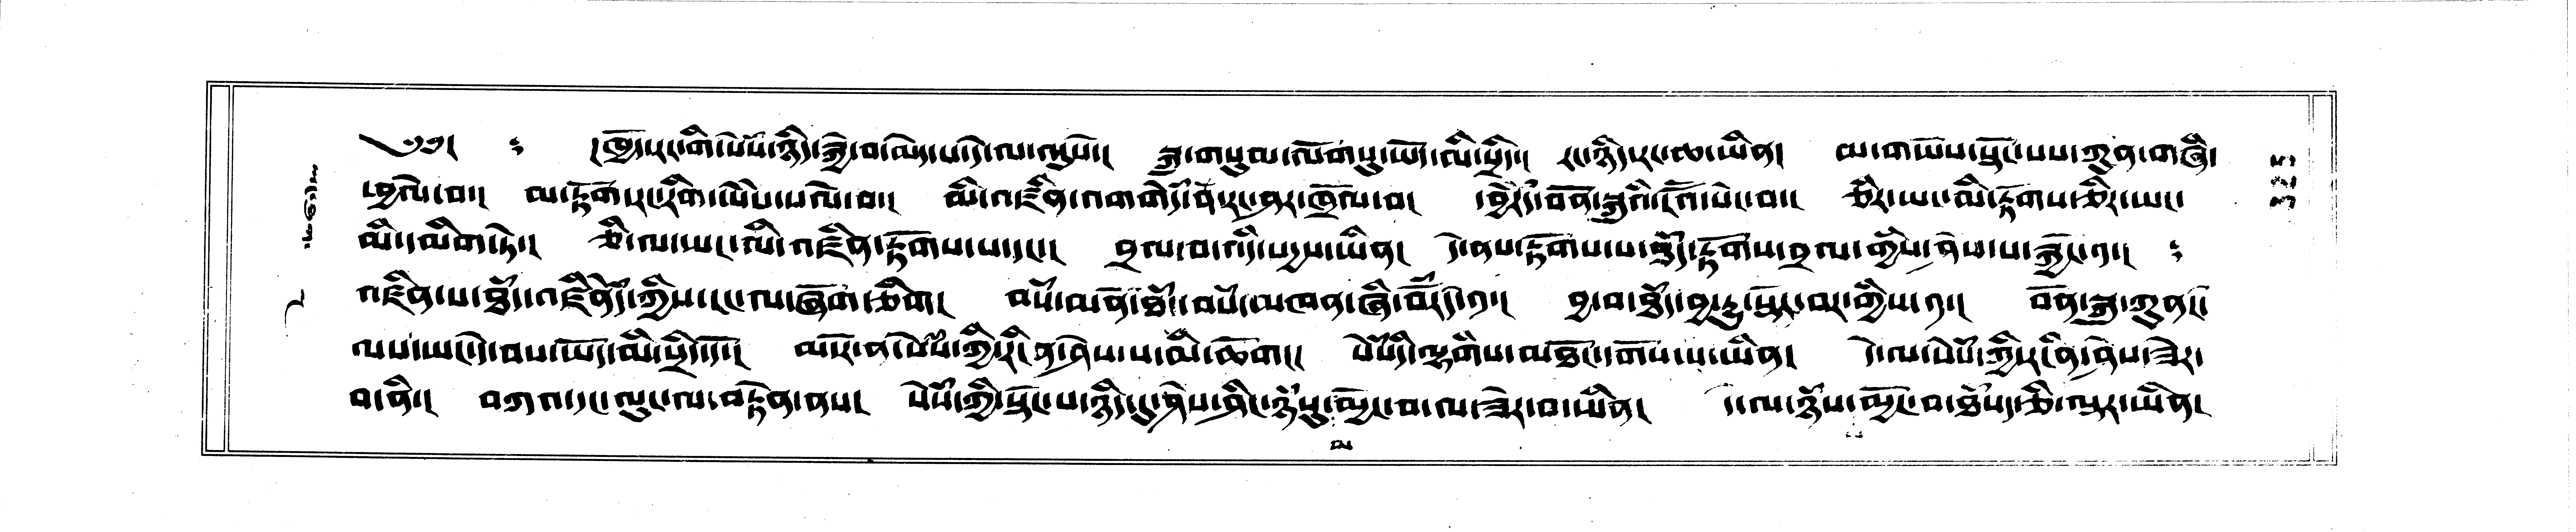ཁྱོད་རང་གིས་སེམས་ཉིད་སྐྱེ་བ་མེད་པ་དེ་ལ་འདུས་སོ། སྐུ་གསུམ་ལོགས་སུ་ཡོད་མི་སྲིད་རང་ཉིད་རང་ཆས་ཡིན། མ་གཡོས་སྟོང་པའི་ཀུན་གཞི་
ཕྱ་ལེ་བ། མི་རྟོག་རང་རིག་ཡེ་ཤེས་སལེ་བ། མི་འཛིན་འགག་མེད་རང་ཤར་ཁྲོ་ལེ་བ། དབྱེར་མེད་བོན་སྐུའི་ངོའོ་སང་ངེ་བ། ཅིར་ཡང་མི་རྟོག་ཅིར་ཡང་
མི་དམིགས་ཏེ། ཅི་ལ་ཡང་མི་འཛིན་རྟོག་པ་དང་བྲལ་བ་འདི་སངས་རྒྱས་ཡིན། དེ་ནས་རྟོག་པ་ཐམས་ཅད་རྟོག་བྲལ་གྱིས་ཤེས་པ་སྐྱོངས་ཤིག
 འཛིན་པ་ཐམས་ཅད་འཛིན་མེད་ཀྱིས་ངང་ལ་ཞོག་ཅིག བསམ་མནོ་ཐམས་ཅད་བསམ་མཁན་ཞི་བར་མཛོད་ཅིག བྱ་བ་ཐམས་ཅད་བྱ་རྒྱུ་སྟོར་བར་བགྱིས་དང་། བོན་སྐུ་ཀུན་བཟང་
ལ་ཡང་དེ་ལས་ཡོད་མི་སྲིད། མདོར་ན་སེམས་ཀྱིས་རང་བཞིན་ཤེས་པའི་༼པས༽མི་ཆོག སེམས་ཉིད་ལྷག་གིས་མཐོང་དགོས་པ་ཡིན། དེ་ལ་སེམས་ཀྱིས་རང་བཞིན་ཤེས་ཟེར་
བ་ནི། བཀའ་དང་ལུང་ལ་བརྟེན་ཏེ། སེམས་ཀྱང་སྟོང་པ་ཉིད་དུ་ཤེས་ཤིང་ཉམས་སུ་མྱོང་བ་ལ་ཟེར་བ་ཡིན། དེ་ལ་ཉམས་སུ་མྱོང་བ་ཐམས་ཅད་ཅི་ལྟར་ཡིན་